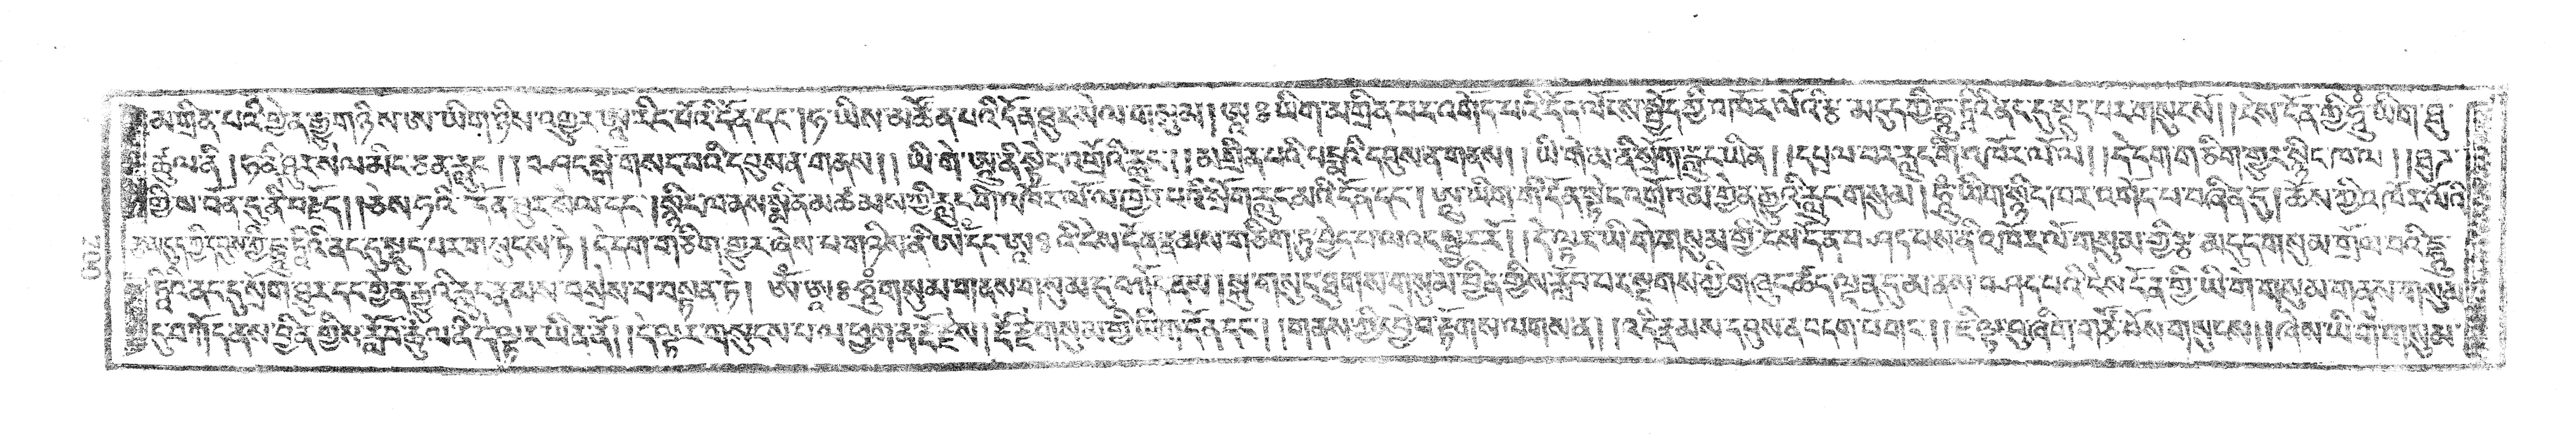མགྲིན་པའི་གྱེན་རྒྱུ་གཉིས་ཨ་ཡིག་ཉིས་འགྱུར་ཨཱ་རིང་པོའི་དོན་དང་། ཧ་ཡིས་མཚོན་པའི་དོན་ཐུར་སེལ་གསུམ། ཨཱཿ ཡིག་མགྲིན་པར་འགོད་པའི་དོད་ལོངས་སྤྱོད་ཀྱི་འཁོར་ལོའི་རྩ་མདུད་ཀྱི་དྷཱུ་ཏཱིའི་ནང་དུ་སྡུད་པར་གསུངས་སོ། །ངེས་དོན་གྱི་ཧཱུཾ་ཡིག་ཐུ་
ཚུལ་ནི། ཧ་ནི་ཐུར་སེལ་མིང་ཅན་རླུང་། །བཤད་སྒོ་གསང་བའི་དབུས་ན་གནས། །ཡི་གེ་ཨཱུ་ནི་སྟེང་འགྲོའི་རླུང་། །མགྲིན་པའི་པདམའི་དབུས་ན་གནས། །ཡི་གེ་མ་ནི་སྲོག་རླུང་ཡིན། །དཔྲལ་བར་རླུང་གི་འཁོར་ལོ་ལ། །དེ་དག་གཅིག་གྱུར་སྙིང་ཁ་ལ། །ཐུགས་
ཀྱི་ས་བོན་དུ་ནི་བརྗོད། །ཅེས་ཧའི་དོན་ཐུར་སེལ་དང་།སྙིང་ཁ་ནས་སྨིན་མཚམས་ཀྱི་རླུང་གི་འཁོར་ལོ་ལ་ཁྱབ་པའི་སྲོག་རླུང་མའི་དོན་དང་། ཨཱུ་ཡིག་གི་དོན་སྟེང་འགྲོ་འམ་གྱེན་རྒྱུའི་རླུང་གསུམ། ཧཱུཾ་ཡིག་སྙིང་ཁར་འགོད་པ་བཞིན་དུ། ཆོས་ཀྱི་འཁོར་ལོའི་
རྩ་མདུད་ཀྱི་དབུས་ཀྱི་དྷཱུ་ཏཱིའི་ནང་དུ་སྡུད་པར་གསུངས་ཏེ། དེ་དག་གཅིག་གྱུར་ཞེས་པ་གཉིས་ནི་ཨོཾ་དང་ཨཱ་Hའི་ངེས་དོན་རྣམས་གཅིག་ཏུ་བྱེད་པ་ལའང་སྦྱར་རོ། །དེ་ལྟར་ཡི་གེ་གསུམ་གྱི་ངེས་དོན་བཤད་པས་ནི་འཁོར་ལོ་གསུམ་གྱི་རྩ་མདུད་གསུམ་གྲོལ་བའི་དྷཱུ་
ཏཱིའི་ནང་དུ་སྲོག་ཐུར་དང་གྱེན་རྒྱུའི་རླུང་རྣམས་བསྲེས་པ་བསྟན་ཏེ། ཨོཾ་ཨཱཿ ཧཱུཾ་གསུམ་གནས་གསུམ་དུ་བཀོད་ནས། སྐུ་གསུང་ཐུགས་གསུམ་བྱིན་གྱིས་རློབ་པར་སྔགས་ཀྱི་གཞུང་ཚད་ལྡན་དུ་མ་ནས་བཤད་པའི་ངེས་དོན་གྱི་ཡི་གེ་གསུམ་གནས་གསུམ་
དུ་བཀོད་ནས་བྱིན་གྱིས་རློབ་ཚུལ་ནི་དེ་ལྟར་ཡིན་ནོ། །དེ་ལྟར་གསུངས་པ་ལ་ཕྱག་ན་རྡོ་རྗེས། རྡོ་རྗེ་གསུམ་གྱི་ཡིག་དོན་དང་། །གནས་ཀྱི་དབྱེ་བ་རྟོགས་ལགས་ན། །འདི་རྣམས་དབུས་ན་བདག་པོ་གང་། །ཇི་ལྟ་བུ་ཞིག་གཙོ་བོས་གསུངས། །ཞེས་ཡི་གེ་གསུམ་